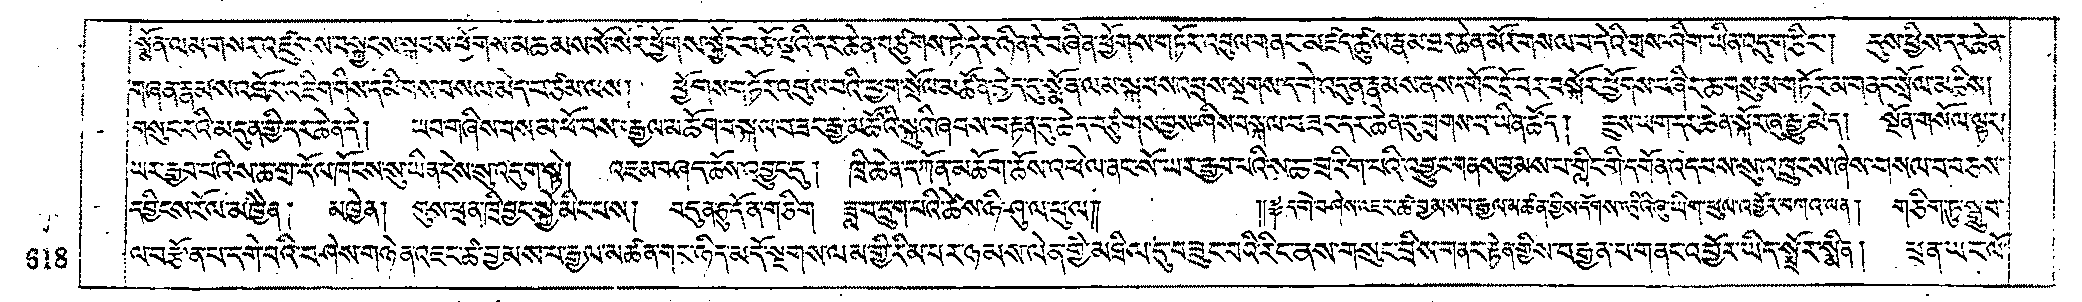སྨོན་ལམ་གསར་འཛུགས་བསྐྱངས་སྐབས་ཕྱོགས་མཆམས་སོ་སོར་ཕྱོགས་སྐྱོང་བཅོ་ལྔའི་དར་ཆེན་བཙུགས་ཏེ་དར་ཉིན་རེ་བཞིན་ཕྱོགས་གཏོར་འབུལ་གནང་མཛད་ཚུལ་རྣམ་ཐར་ཆེན་མོར་གསལ་བ་དེའི་གྲས་ཤིག་ཡིན་འདུག་ཅིང་། དུས་ཕྱིས་དར་ཆེན་
གཞན་རྣམས་འཐོར་འཇིག་གིས་དམིགས་བསལ་མེད་པ་ཙམ་ལས། ཕྱོགས་གཏོར་འབུལ་བའི་ཕྱག་སྲོལ་མཚོན་བྱེད་དུ་སྨོན་ལམ་སྐབས་འབྲས་སྔགས་དགེ་འདུན་རྣམས་དགོང་དྲོ་བར་བསྐོར་ཕྱོགས་བཞིར་ཆ་གསུམ་གཏོར་མ་གནང་སྲོལ་མཆིས།
གསུང་རའི་མདུན་གྱི་དར་ཆེན་དེ། ཡབ་གཞིས་བསམ་ཕོ་བས་༧རྒྱལ་མཆོག་བསྐལ་བཟང་རྒྱ་མཚོའི་སྐུའི་ཞབས་བརྟན་དུ་ཆེད་བཙུགས་བྱས་ཤིས་བསྐལ་བཟང་དར་ཆེན་དུ་གྲགས་པ་ཡིན་ཚོད། ཇུས་ཡག་དར་ཆེན་སྐོར་ཞུ་རྒྱུ་མེད། སྔོན་གསོལ་ལྟར།
ཡར་རྒྱབ་པའི་ས་ཆ་གྲ་དོལ་ཁོངས་སུ་ཡིན་ངེས་སུ་འདུག་སྟེ། འཇམ་བཞད་ཆོས་འབྱུང་དུ། ཁྲི་ཆེན་དཀོན་མཆོག་ཆོས་འཕེལ་ནང་སོ་ཡར་རྒྱབ་པའི་ས་ཆ་གྲ་རིག་པའི་འབྱུང་གནས་བྱམས་པ་གླིང་གི་དགོན་འདབས་སུ་འཁྲུངས་ཞེས་གསལ་བ་བཅས་
དབྱིངས་རོལ་མཁྱཻན། མཁྱེན། གུས་ཕྲན་ཁྲི་བྱང་སྐྱེ་མིང་པས། བདུན་ཅུ་དོན་གཅིག་ཟླ་བ་དྲུག་པའི་ཚེས་ཉི་ཤུ་ལ་ཕུལ།། །། འ་དགེ་བཤེས་འཇད་ཚ་བྱམས་པ་རྒྱལ་མཚན་གྱིས་དགོས་འདྲིའི་ཞུ་ཡིག་ཕུལ་འབྱོར་བཀའ་ལན།  གཅིག་ཏུ་སྒྲུབ་
ལ་བརྩོན་པ་དགེ་བའི་བཤེས་གཉེན་འཇང་ཚ་བྱམས་པ་རྒྱལ་མཚན་གང་ཉིད་མདོ་སྔགས་ལམ་གྱི་རིམ་པར་ཉམས་ལེན་གྱི་མཐིལ་དུ་བཟུང་བའི་རིང་ནས་གསུང་བྲིས་གནང་རྟེན་གྱིས་བརྒྱན་པ་གནང་འབྱོར་ཡིད་སྤྲོར་སྨིན། ཕྲན་ཡང་ལོ་